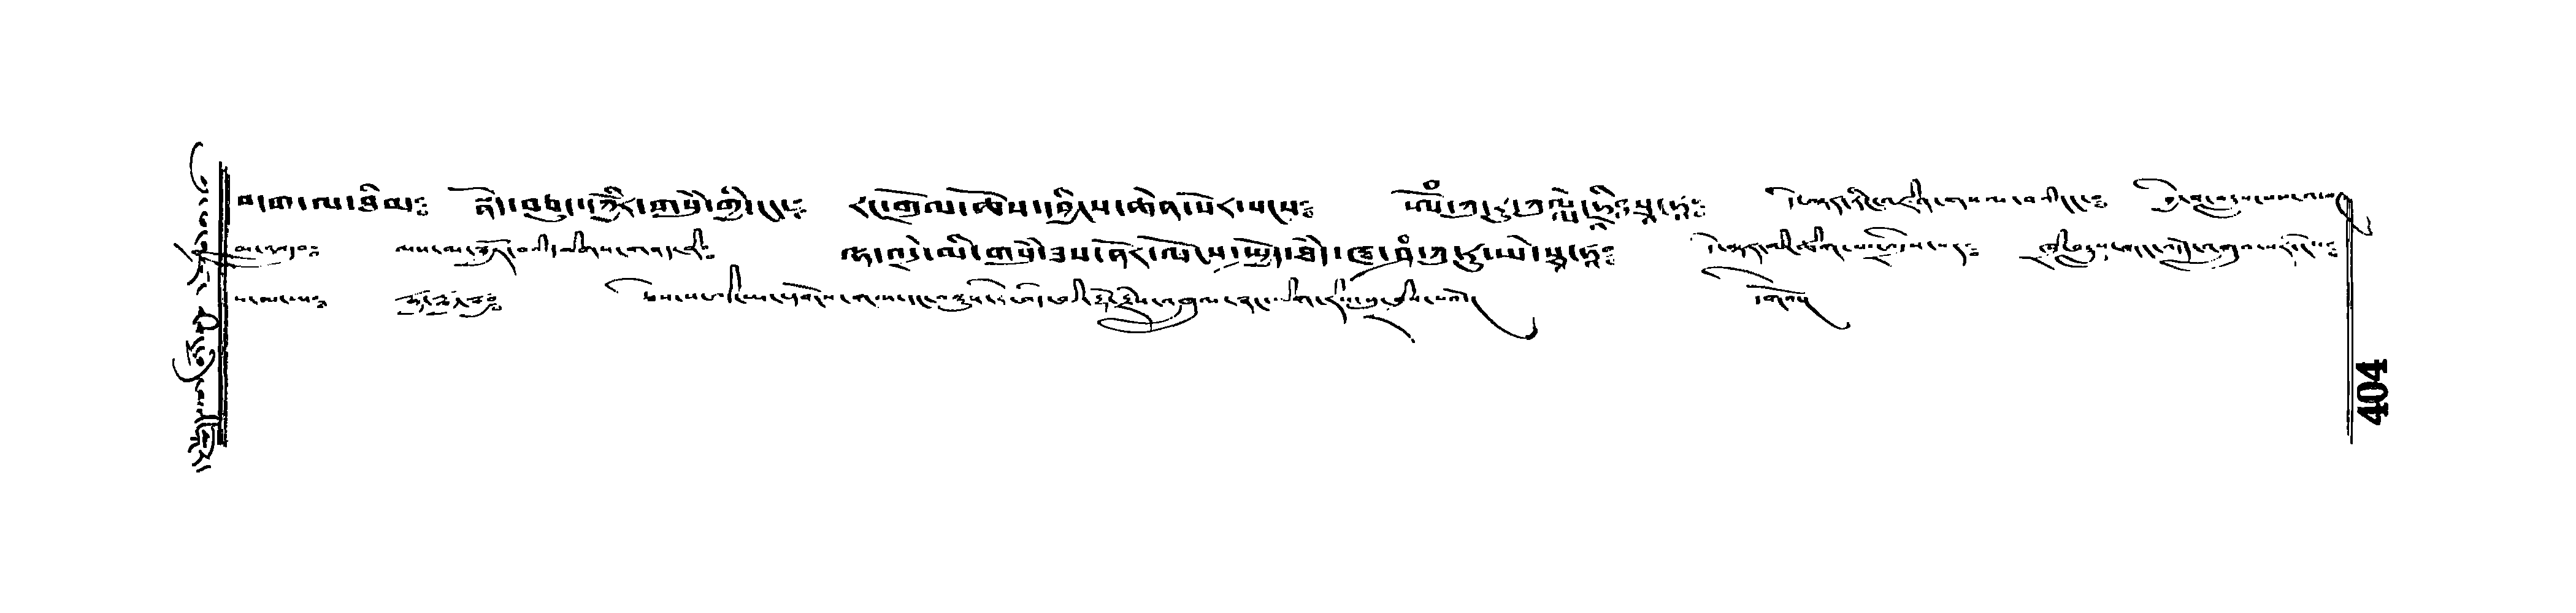བདག་ལ་ཐིམ༔ སྣོད་བཅུད་དཀྱིལ་འཁོར་གསུམ་གྱི་ངང༔ རང་གྲོལ་ཆོས་དབྱིངས་ཆེན་པོར་སངས༔ ཨོཾ་ཀུ་རུ་ཀུལླེ་ཧྲཱིཿསྭཱ་ཧཱཿ དེ་ལྟར་ཏིང་འཛིན་གསལ་བའི་ངང༔ བྱེ་བ་བཟླས་པས་འཕགས་
མ་འགྲུབ༔ ལས་ལ་སྦྱོར་བའི་དམིགས་གནད་ནི༔ ལྷ་འདྲེ་མི་གསུམ་ཟས་ནོར་ལོངས་སྤྱོད་ཐམས་ཅད་ཝ་ཤཾ་ཀུ་རུ་ཡེ་སྭཱ་ཧཱཿ དེ་ལྟར་མི་ཚིག་མ་འདྲེས་པར༔ ཁྲི་བཟླས་གང་འདོད་འགྲུབ་པར་ངེས༔ 
ས་མ་ཡ༔ རྒྱ་རྒྱ་རྒྱ༔ ཅེས་པ་འདི་ཡང་དགོས་གལ་དང་བསྟུན་ཏེ་བདེ་བའི་རྡོ་རྗེས་འཁྲུལ་སྣང་ཡིག་རིས་སུ་བྲིས་པའོ།། དགེའོ།།